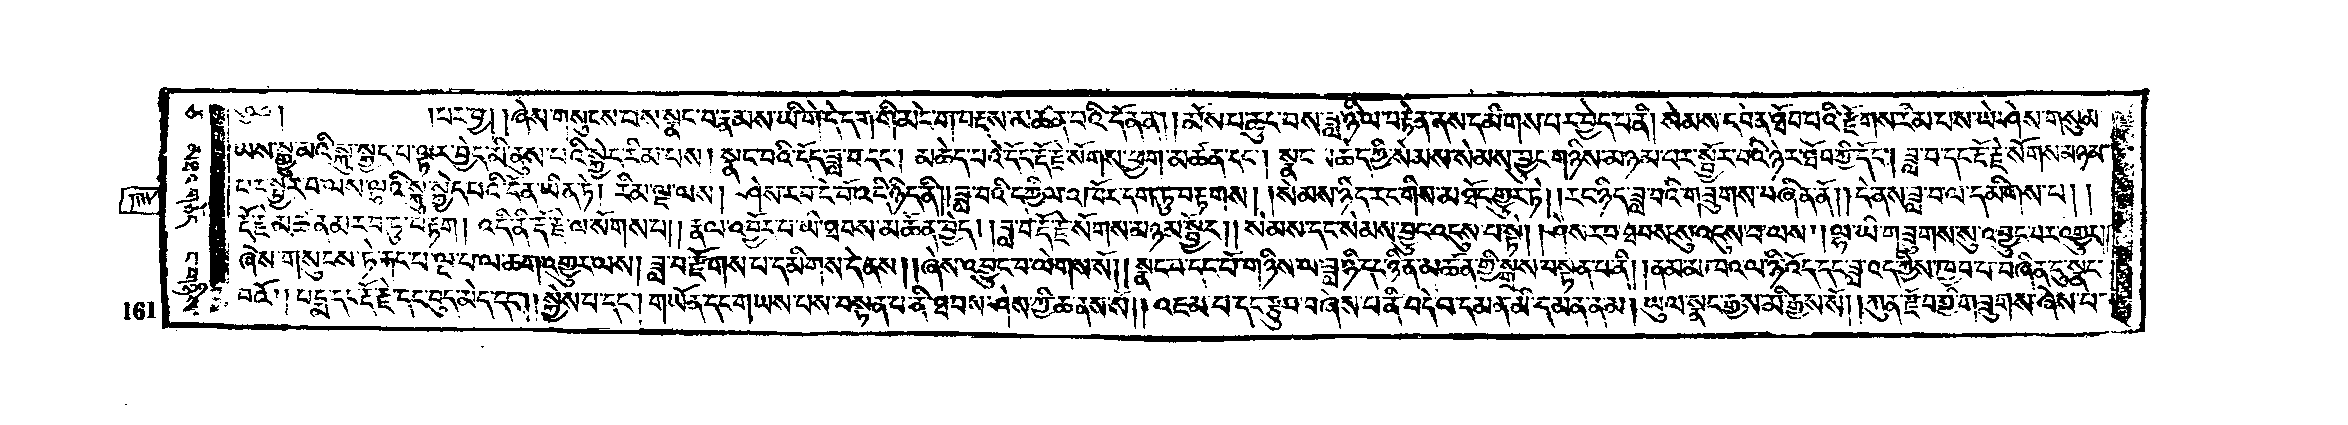༄༅། །པར་བྱ། །ཞེས་གསུངས་པས་སྣང་བ་རྣམས་ཡི་གེ་དེ་དག་གི་མིང་གི་བརྡས་མཚོན་པའི་དོན་ནོ། །མོས་པ་ཆུང་བས་ཟླ་ཉི་ལ་བརྟེན་ནས་དམིགས་པར་བྱེད་པ་ནི། སེམས་དབེན་ཐོབ་པའི་རྫོགས་རིམ་པས་ཡེ་ཤེས་གསུམ་
ཡས་སྒྱུ་མའི་སྐུ་སྐྱད་པ་ལྟར་བྱེད་མི་ནུས་པའི་སྐྱེད་རིམ་པས། སྣང་བའི་དོད་ཟླ་བ་དང་། མཆེད་པའི་དོད་རྡོ་རྗེ་སོགས་ཕྱག་མཚན་དང་། སྣང་མཆེད་ཀྱི་སེམས་སེམས་བྱུང་གཉིས་མཉམ་པར་སྦྱོར་བའི་ཉེར་ཐོབ་ཀྱི་དོང་། ཟླ་བ་དང་རྡོ་རྗེ་སོགས་མཉམ་
པར་སྦྱོར་བ་ལས་ལྷའི་སྐུ་སྐྱེད་པའི་དོན་ཡིན་ཏེ། རིམ་ལྔ་ལས། ཤེས་རབ་ངོ་བོ་འདི་ཉིད་ནི། །ཟླ་བའི་དཀྱིལ་འཁོར་དག་ཏུ་བརྟགས། །སེམས་ཉིད་རང་གིས་མཐོང་གྱུར་ཏེ། །རང་ཉིད་ཟླ་བའི་གཟུགས་བཞིན་ནོ། །དེ་ནས་ཟླ་བ་ལ་དམིགས་པ། །
རྡོ་རྗེ་མཚན་མ་རབ་ཏུ་བརྟག །འདི་ནི་རྡོ་རྗེ་ལ་སོགས་པ། །རྣལ་འབྱོར་པ་ཡི་ཐབས་མཚོན་བྱེད། །ཟླ་བ་རྡོ་རྗེ་སོགས་མཉམ་སྦྱོར། །སེམས་དང་སེམས་བྱུང་འདུས་པ་སྟེ། །ཤེས་རབ་ཐབས་སུ་འདུས་པ་ལས། །ལྷ་ཡི་གཟུགས་སུ་འབྱུང་པར་འགྱུར།།
ཞེས་གསུངས་ཏེ་རྐང་པ་ལྔ་པ་ལ་ཆག་འགྱུར་ལས། ཟླ་བ་རྫོགས་པ་དམིགས་དེ་ནས། །ཞེས་འབྱུང་བ་ལེགས་སོ། །སྣང་བ་དང་པོ་གཉིས་ལ་ཟླ་ཉི་དང་ཉིན་མཚན་གྱི་སྒྲས་བསྟན་པ་ནི། །ནམ་མཁའ་ལ་ཉི་འོད་དང་ཟླ་འོད་ཀྱིས་ཁྱབ་པ་བཞིན་དུ་སྣང་
བའོ། །པདམ་དང་རྡོ་རྗེ་དང་བུད་མེད་དང་། །སྐྱེས་པ་དང་། གཡོན་དང་གཡས་པས་བསྟན་པ་ནི་ཐབས་ཤེས་ཀྱི་ཆ་ནས་སོ། །འཇམ་པ་དང་རྩུབ་པ་ཞེས་པ་ནི་བདེ་བ་དམན་མི་དམན་ནམ། ཡུལ་སྣང་རྒྱས་མི་རྒྱས་སོ། །ཀུན་རྫོབ་ཀྱི་གཟུགས་ཞེས་པ་